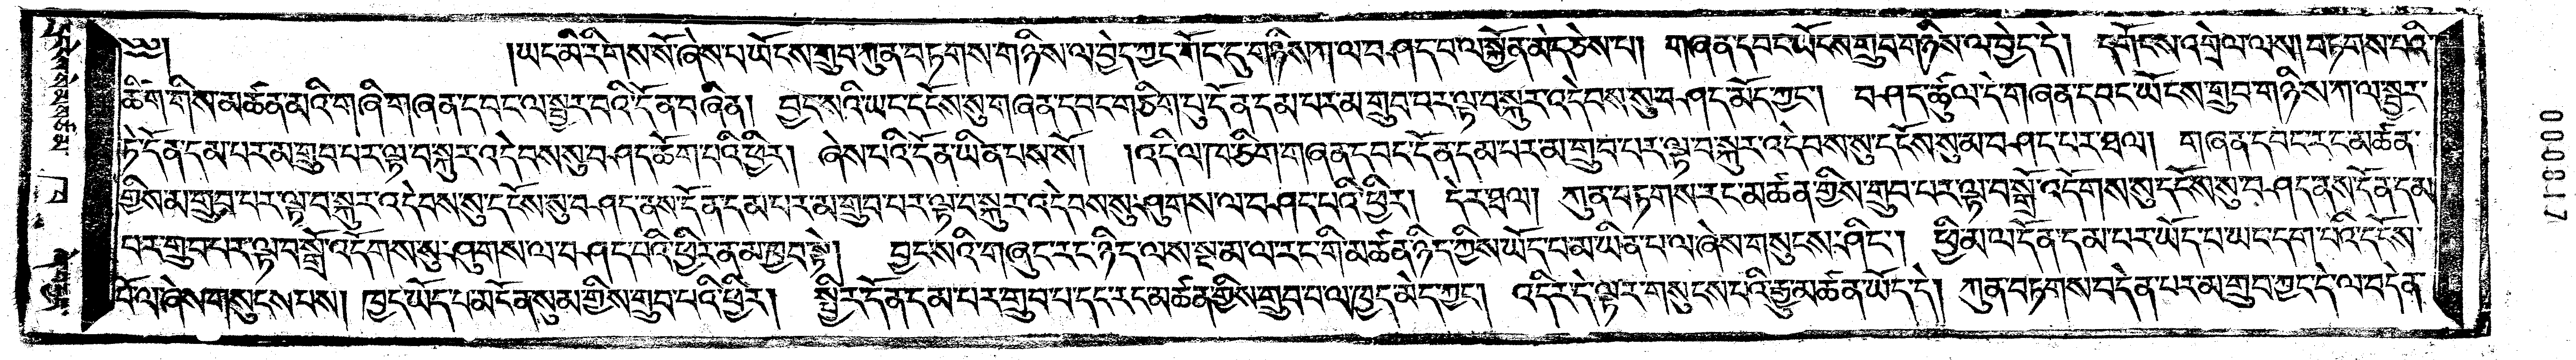༄༅། །ཡང་མི་རིགས་སོ་ཞེས་པ་ཡོངས་གྲུབ་ཀུན་བཏགས་གཉིས་ལ་བྱེད་ཀྱང་གོང་དུ་གཉིས་ཀ་ལ་བཤད་པ་ལ་སྐྱོན་མེད་ཅེས་པ། གཞན་དབང་ཡོངས་གྲུབ་གཉིས་ལ་བྱེད་དེ། དགོངས་འགྲེལ་ལས། བཏགས་པའི་
ཚིག་གིས་མཚན་མའི་གཞི་གཞན་དབང་ལ་སྦྱར་བའི་དོན་བཞིན། བྱང་སའི་ཡང་དངོས་སུ་གཞན་དབང་གཅིག་པུ་དོན་དམ་པར་མ་གྲུབ་པར་ལྟ་བ་སྐུར་འདེབས་སུ་བཤད་མོད་ཀྱང་། བཤད་ཚུལ་དེ་གཞན་དབང་ཡོངས་གྲུབ་གཉིས་ཀ་ལ་སྦྱར་
ཏེ་དོན་དམ་པར་མ་གྲུབ་པར་ལྟ་བ་སྐུར་འདེབས་སུ་བཤད་ཆོག་པའི་ཕྱིར། ཞེས་པའི་དོན་ཡིན་པས་སོ། །འདི་ལ་ཁ་ཅིག་གཞན་དབང་དོན་དམ་པར་མ་གྲུབ་པར་ལྟ་བ་སྐུར་འདེབས་སུ་དངོས་སུ་མ་བཤད་པར་ཐལ། གཞན་དབང་རང་མཚན་
གྱིས་མ་གྲུབ་པར་ལྟ་བ་སྐུར་འདེབས་སུ་དངོས་སུ་བཤད་ནས་དོན་དམ་པར་མ་གྲུབ་པར་ལྟ་བ་སྐུར་འདེབས་སུ་ཤུགས་ལ་བཤད་པའི་ཕྱིར། དེར་ཐལ། ཀུན་བཏགས་རང་མཚན་གྱིས་གྲུབ་པར་ལྟ་བ་སྒྲོ་འདོགས་སུ་དངོས་སུ་བཤད་ནས་དོན་དམ་
པར་གྲུབ་པར་ལྟ་བ་སྒྲོ་འདོགས་སུ་ཤུགས་ལ་བཤད་པའི་ཕྱིར་ན་མ་ཁྱབ་སྟེ། བྱང་སའི་གཞུང་རང་ཉིད་ལས་སྔ་མ་ལ་རང་གི་མཚན་ཉིད་ཀྱིས་ཡོད་པ་མ་ཡིན་པ་ལ་ཞེས་གསུངས་ཤིང་། ཕྱི་མ་ལ་དོན་དམ་པར་ཡོད་པ་ཡང་དག་པའི་དངོས་
པོ་ལ་ཞེས་གསུངས་པས། ཁྱད་ཡོད་པ་མངོན་སུམ་གྱིས་གྲུབ་པའི་ཕྱིར། སྤྱིར་དོན་དམ་པར་གྲུབ་པ་དང་རང་མཚན་གྱིས་གྲུབ་པ་ལ་ཁྱད་མེད་ཀྱང་། འདིར་དེ་ལྟར་གསུངས་པའི་རྒྱུ་མཚན་ཡོད་དེ། ཀུན་བཏགས་བདེན་པར་མ་གྲུབ་ཀྱང་དེ་ལ་བདེན་